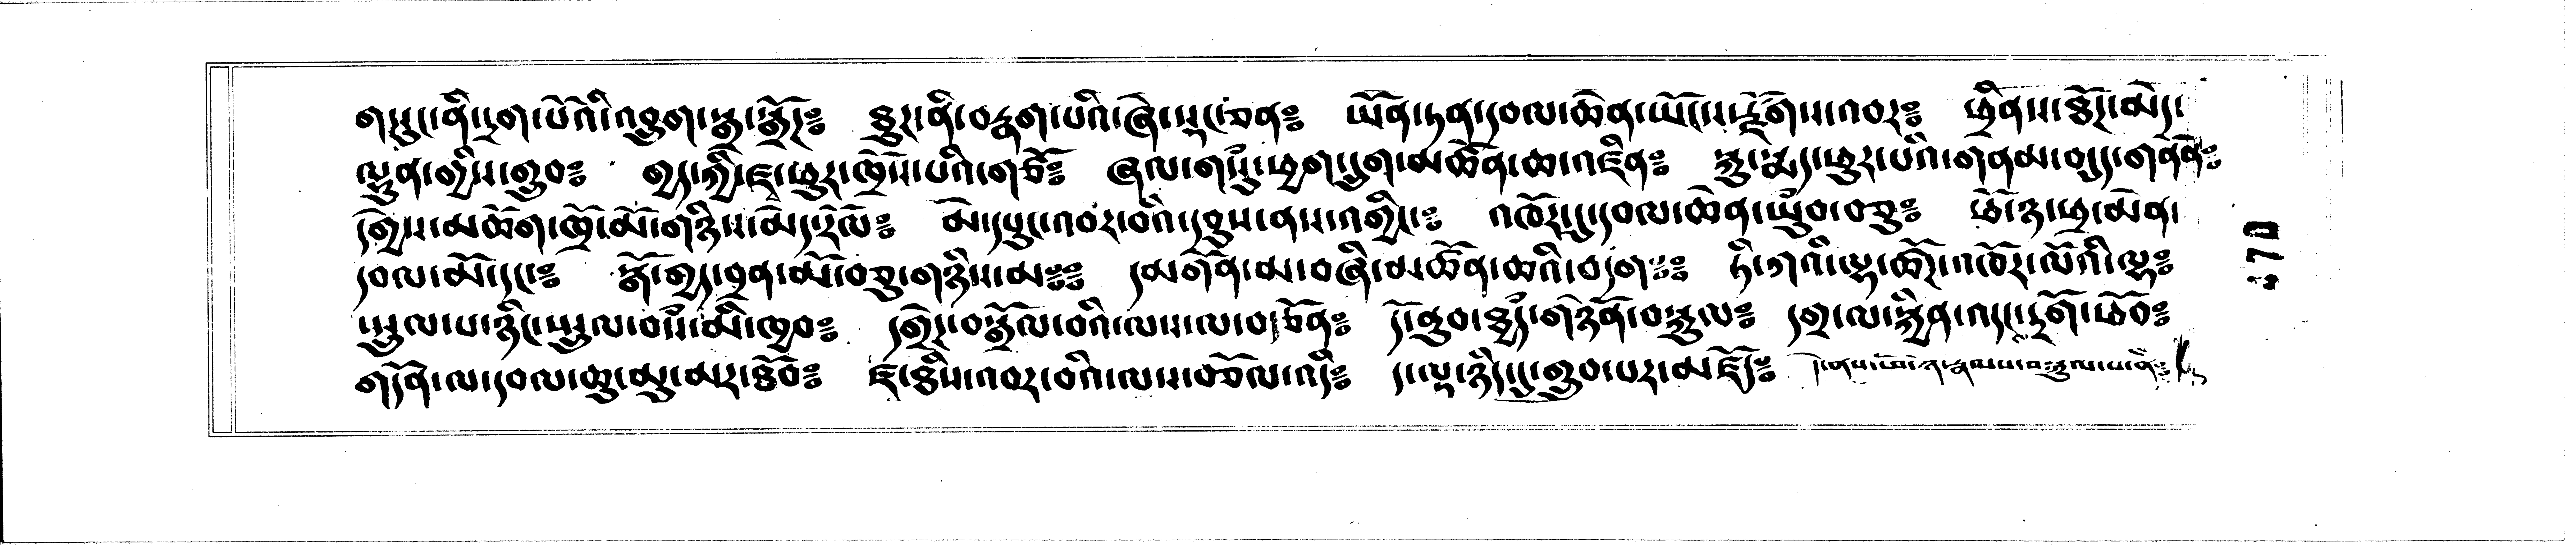གསུང་ནི་དྲག་པོའི་འབྲུག་སྒྲ་སྒྲོགས༔ཐུགས་ནི་བརྣག་པའི་ཞེ་སྡང་ཅན༔ཡོན་ཏན་དབལ་ཆེན་ཡོངས་རྫོགས་འབར༔ཕྲིན་ལས་ཐོགས་མེད་
ལྷུན་གྱིས་གྲུབ༔གྱད་ཀྱི་ཛྭ་ཕུར་ཁྲོས་པའི་གཙོ༔ཞལ་གསུམ་ཕྱག་དྲུག་མཚོན་ཆ་འཛིན༔སྐུ་སྨད་ཕུར་པའི་གནམ་བདུད་གནོན༔
དགྱེས་མཆོག་ཁྲོ་མོ་གཉིས་མེད་རོལ༔མེ་དཔུང་འབར་བའི་དབུས་ནས་འགྱིང་༔འཁོར་དུ་དབལ་ཆེན་ཡབ་ཡུམ་བཅས༔ཕོ་ཉ་ཕྲ་མེན་
དབལ་མོ་དང་༔སྒོ་གྱད་བྲན་མོ་བཅུ་གཉིས་མ༔༔དམག་དཔོན་མ་བཞི་མཚོན་ཆའི་བདག༔༔ཏི་ཀའི་ལྷ་ཚོགས་འཁོར་ལོའི་ལྷ༔
སྤྲུལ་པ་ཉིང་སྤྲུལ་བསམ་མི་ཁྱབ༔དགྲ་བགེགས་བསྒྲོལ་བའི་ལས་ལ་བརྩོན༔དོ་ནུབ་ཐུགས་དམ་གཉེན་པོ་བསྐུལ༔དགྲ་ལ་སྐྱིན་འདང་དྲག་པོ་ཕོག༔
གདོན་ལ་དབལ་ཆུ་མུ་མར་ཐོབ༔ཛྭ་ཐིས་འབར་བའི་ལས་བཅོལ་འདི༔ད་ལྟ་ཉིད་དུ་གྲུབ་པར་མཛོད༔དེ་ནས་ཕོ་ཉ་རྣམས་བསྐུལ་པ་ནི༔